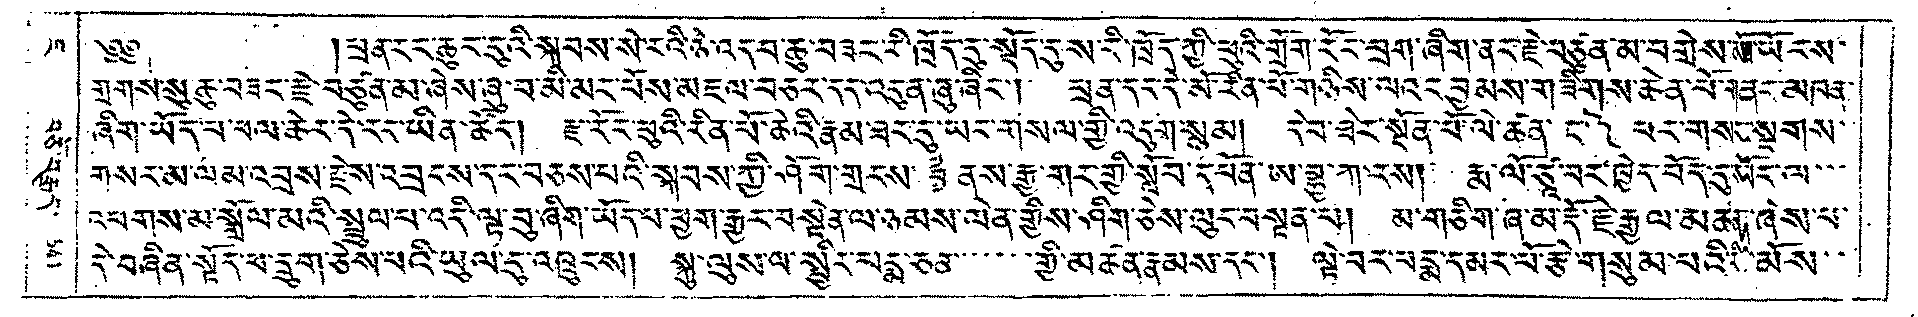༄༅། །ཕྲན་རང་ཆུང་ངུའི་སྐབས་སེ་རའི་ཉེ་འདབ་ཆུ་བཟང་རི་ཁྲོད་དུ་སྡོད་དུས་རི་ཁྲོད་ཀྱི་ཕུའི་གྲོག་རོང་བྲག་ཞིག་ནང་རྗེ་བཙུན་མ་བགྲེས་མོ་ཡོངས་
གྲགས་སུ་ཆུ་བཟང་རྗེ་བཙུན་མ་ཞེས་ཞུ་བ་མི་མང་པོས་མཇལ་བཅར་དད་འདུན་ཞུ་ཞིང་། ཕྲན་དང་དེ་མོ་རིན་པོ་གཉིས་ལའང་བྱམས་གཟིགས་ཆེན་པོ་གནང་མཁན་
ཞིག་ཡོད་པ་ཕལ་ཆེར་དེ་རང་ཡིན་ཚོད། རྫ་རོང་ཕུའི་རིན་པོ་ཆེའི་རྣམ་ཐར་དུ་ཡང་གསལ་གྱི་འདུག་སྙམ། དེབ་ཐེར་སྔོན་པོ་ལེ་ཚན་ང྄་པར་གསང་སྔགས་
གསར་མ་ལམ་འབྲས་རྗེས་འབྲངས་དང་བཅས་པའི་སྐབས་ཀྱི་ཤོག་གྲངས ༧བ༧་ནས་རྒྱ་གར་གྱི་སློབ་དཔོན་ཨ་བྷྱ་ཀ་རས། རྨ་ལོ་ཙཱ་བར་ཁྱེད་བོད་དུ་སོང་ལ་
འཕགས་མ་སྒྲོལ་མའི་སྤྲུལ་པ་འདི་ལྟ་བུ་ཞིག་ཡོད་པ་ཕྱག་རྒྱར་བསྟེན་ལ་ཉམས་ལེན་གྱིས་ཤིག་ཅེས་ལུང་བསྟན་པ། མ་གཅིག་ཞ་མ་རྡོ་རྗེ་རྒྱལ་མཚན་ཞེས་པ་
དེ་བཞིན་སྟོད་ཕ་དྲུག་ཅེས་པའི་ཡུལ་དུ་འཁྲུངས། སྐུ་ལུས་ལ་སྤྱིར་པདམ་ཅན་གྱི་མཚན་རྣམས་དང་། ལྟེ་བར་པདམ་དམར་པོ་རྩེ་གསུམ་པའི་རི་མོས་